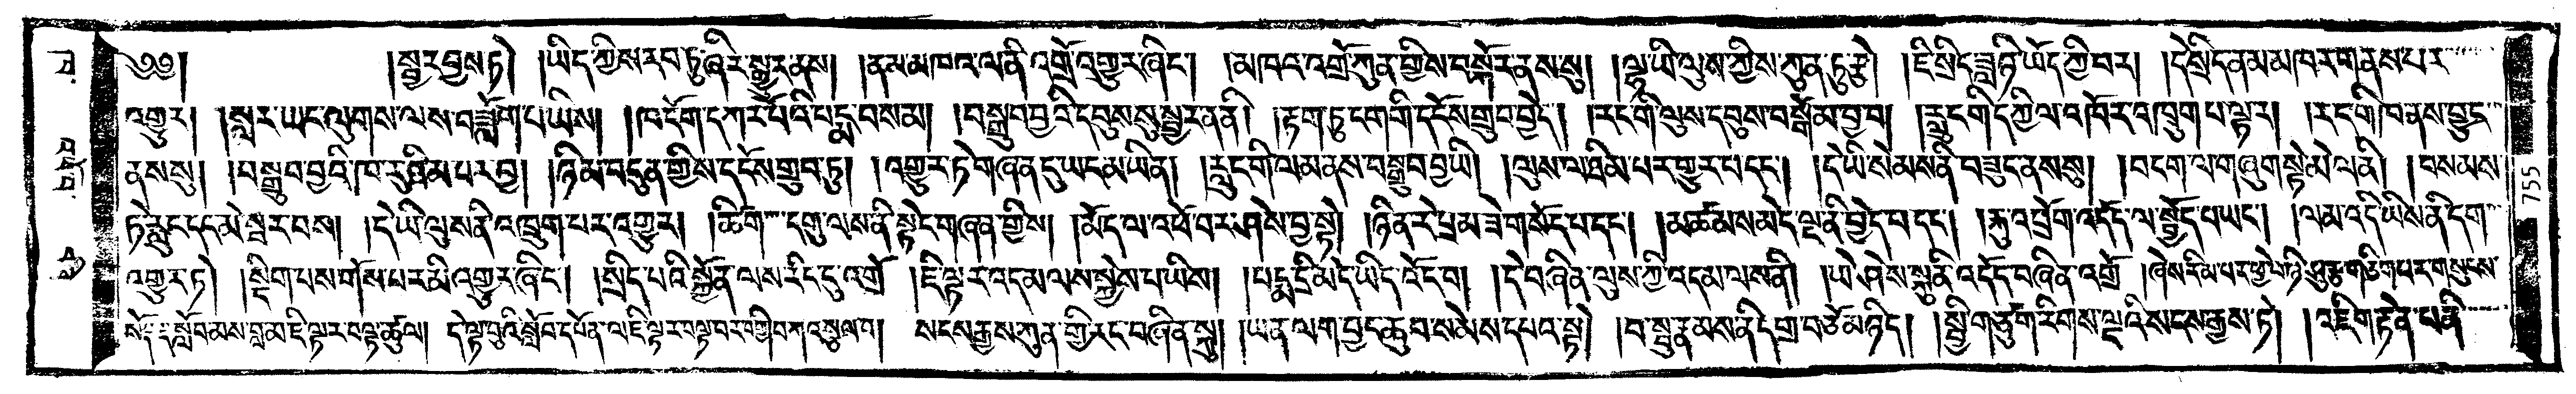༄༅། །སྦྱར་བྱས་ཏེ། །ཡིད་ཀྱིས་རབ་ཏུ་ཞིར་སྒྱུར་ནས། །ནམ་མཁའ་ལ་ནི་འགྲོ་འགྱུར་ཞིང་། །མཁའ་འགྲོ་ཀུན་གྱིས་བསྐོར་ནས་སུ། །ལྷ་ཡི་ལུས་ཀྱིས་ཀུན་ཏུ་རྩེ། །ཇི་སྲིད་ཟླ་ཉི་ཡོད་ཀྱི་བར། །དེ་སྲིད་ནམ་མཁར་གནས་པར་
འགྱུར། །སླར་ཡང་ལུགས་ལས་བཟློག་པ་ཡིས། །ཁ་དོག་དཀར་པོའི་པདམ་བསམ། །བསྒྲུབ་བྱའི་དབུས་སུ་སྦྱར་ན་ནི། །རྟག་ཏུ་ངག་གི་དངོས་གྲུབ་བྱེད། །རང་གི་ལུས་དབུས་བསྒོམ་བྱ་བ། །རླུང་གི་དཀྱིལ་འཁོར་འཁྲུག་པ་ལྟར། །རང་གི་ཁ་ནས་བྱུང་
ནས་སུ། །བསྒྲུབ་བྱའི་ཁ་རུ་ཐིམ་པར་བྱ། །ཉི་མ་བདུན་གྱིས་དངོས་གྲུབ་ཏུ། །འགྱུར་ཏེ་གཞན་དུ་ཡང་མ་ཡིན། །རླུང་གི་ལམ་ནས་བསྒྲུབ་བྱ་ཡི། །ལུས་ལ་ཐིམ་པར་གྱུར་པ་དང་། །དེ་ཡི་སེམས་ནི་བཟུང་ནས་སུ། །བདག་ལ་གཞུག་སྟེ་མེ་ལ་ནི། །བསམས་
ཏེ་རླུང་དང་མེ་སྦར་བས། །དེ་ཡི་ལུས་ནི་འཁྲུག་པར་འགྱུར། །ཚིག་དགུ་ལས་ནི་སྟེང་གཞན་གྱིས། །མོད་ལ་འཕོ་བར་ཤེས་བྱ་སྟེ། །ཉིན་རེ་བྲམ་ཟེ་གསོད་པ་དང་། །མཚམས་མེད་ལྔ་ནི་བྱེད་པ་དང་། །རྐུ་འཕྲོག་འདོད་ལ་སྦྱོད་པ་ཡང་། །ལམ་འདི་ཡིས་ནི་དག་
འགྱུར་ཏེ། །སྡིག་པས་གོས་པར་མི་འགྱུར་ཞིང་། །སྲིད་པའི་སྐྱོན་ལས་རིང་དུ་འགྲོ་།ཇི་ལྟར་འདམ་ལས་སྐྱེས་པ་ཡིས། །པདམ་དྲི་མེད་ཡིད་འོང་བ། །དེ་བཞིན་ལུས་ཀྱི་འདམ་ལས་ནི། །ཡེ་ཤེས་སྐུ་ནི་འདོད་བཞིན་འགྲོ་།ཞེས་རིམ་པར་ཕྱེ་བ་ཉི་ཤུ་རྩ་གཅིག་པར་གསུངས་
སོ༑ ༑སློབ་མས་བླ་མ་ཇི་ལྟར་བལྟ་ཚུལ། དེ་ལྟ་བུའི་སློབ་དཔོན་ལ་ཇི་ལྟར་བལྟ་བར་བགྱི་བཀའ་སྩལ་བ། སངས་རྒྱས་ཀུན་གྱི་རང་བཞིན་སྐུ། །ཡན་ལག་བྱང་ཆུབ་སེམས་དཔའ་སྟེ། །བ་སྤུ་རྣམས་ནི་དགྲ་བཅོམ་ཉིད། །སྤྱི་གཙུག་རིགས་ལྔའི་སངས་རྒྱས་ཏེ། །འཇིག་རྟེན་པ་ནི་